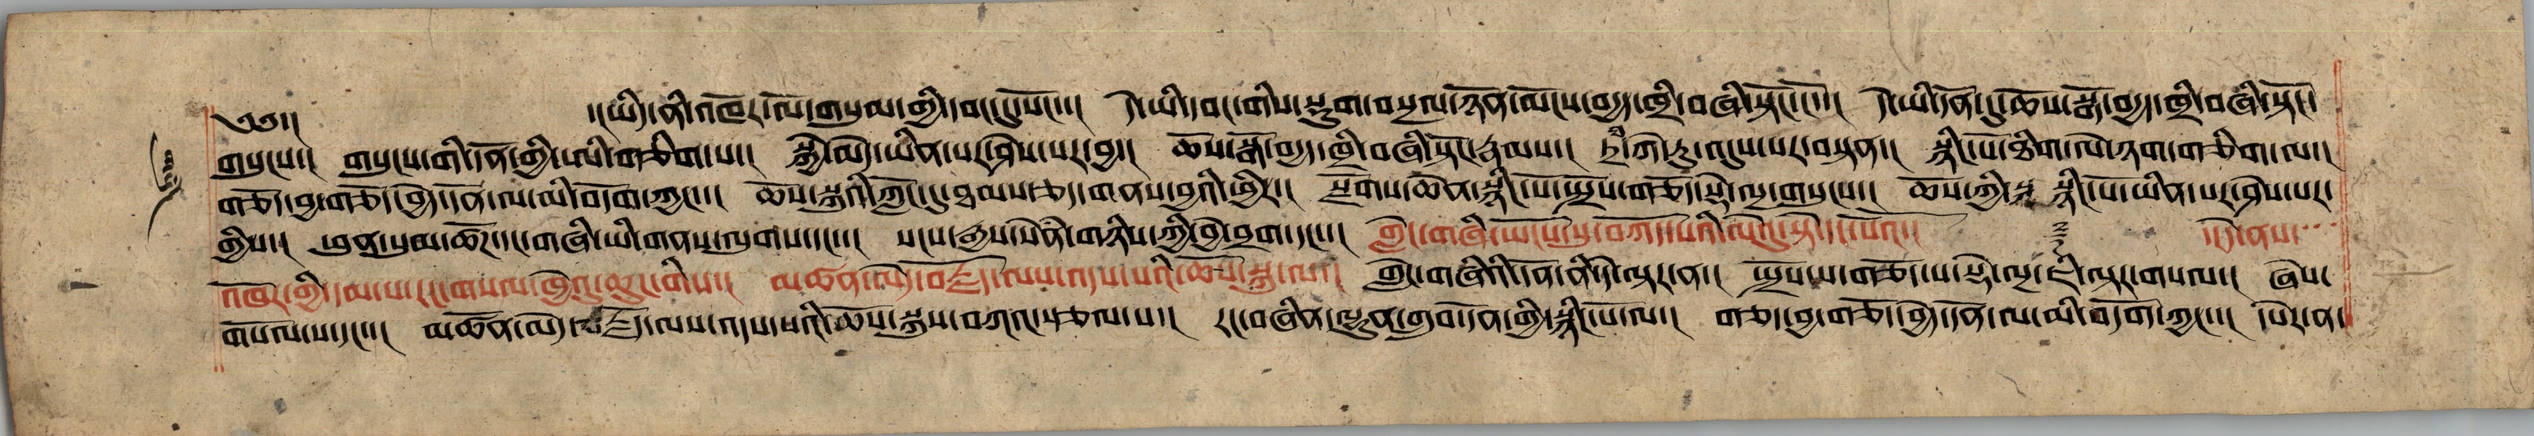༄༅་། ་།ཡིད་ནི་ནཾ་འཁོར་ལོ་གསུམ་གྱི་དབང་དུ་སོང་་། དེ་ཡི་དབང་གིས་སྡུག་བསྔལ་ཉོན་མོངས་བདྱད་ཁྲི་བཞི་སྟོང་ངོ་་། དེ་ཡི་དོན་དུ་ཆོས་སྒོ་བདྱད་ཁྲི་བཞི་སྟོང་
གསུངས་། གསུངས་གི་དོན་གྱི་ཨི་གཅིག་པ་། སྐྱེ་མེད་ཡིན་པར་ཤེས་པར་བྱ་། ཆོས་སྒོ་བདྱད་ཁྲི་བཞི་སྟོང་རྣམས་། ཏྲཾ་ཀེ་རུ་འདུས་པར་བསྟན་། སྙིང་པོ་ཐིག་ལེ་ཉག་གཅིག་ལ་།
གཅོད་བྱ་གཅོད་བྱེད་དོན་ལ་མི་བདོག་ཀྱང་་། ཆོས་སྐུའི་ཀློང་དུ་ཐམས་ཅད་གནས་བྱའི་ཕྱིར་། སྫོགས་ཆེན་སྙིང་པོ་སྤྲོས་གཅོད་སྡེ་ལྔ་གསུངས་། ཆོས་ཀྱི་ སྙིང་པོ་ཡིན་པར་ཤེས་པར་
གྱིས་། ཕུན་སུམ་ཚོཌ་དང་གཞི་ཡི་གནས་ལུགས་དང་་། སངས་རྒྱས་སེནཾ་གཉིས་ཀྱི་བྱེ་བྲག་དང་་། གླེང་གཞི་ཡོངས་སུ་བཀོད་པའི་ལེའུ་སྟེ་དང་པོའོ་། ࿑ ་།དེ་ནས་
འཁོར་གྱི་དམ་པ་རང་གསལ་ཁྱེའུ་ཆུང་གིས་། མཚན་མེད་བརྗོད་ལས་འདས་པའི་ཆོས་སྐུ་ལ་། གླེང་གཞིའི་དོན་ནི་དེ་ལྟར་ན་། སྤྲོས་པ་གཅོད་པ་སྡེ་ལྔ་ཇི་ལྟར་གསལ་། ཞེས་
གསོལ་པ་དང་་། མཚོན་མེད་བརྗོད་ལས་འདས་པའི་ཆོས་སྐུས་བཀའ་སྩལ་པ་། རང་བཞིན་ལྷུན་གྲུབ་དོན་གྱི་སྙིང་པོ་ལ་། གཅོད་བྱ་གཅོད་བྱེད་དོན་ལ་མི་བདོག་ཀྱང་། དཔེར་ན་